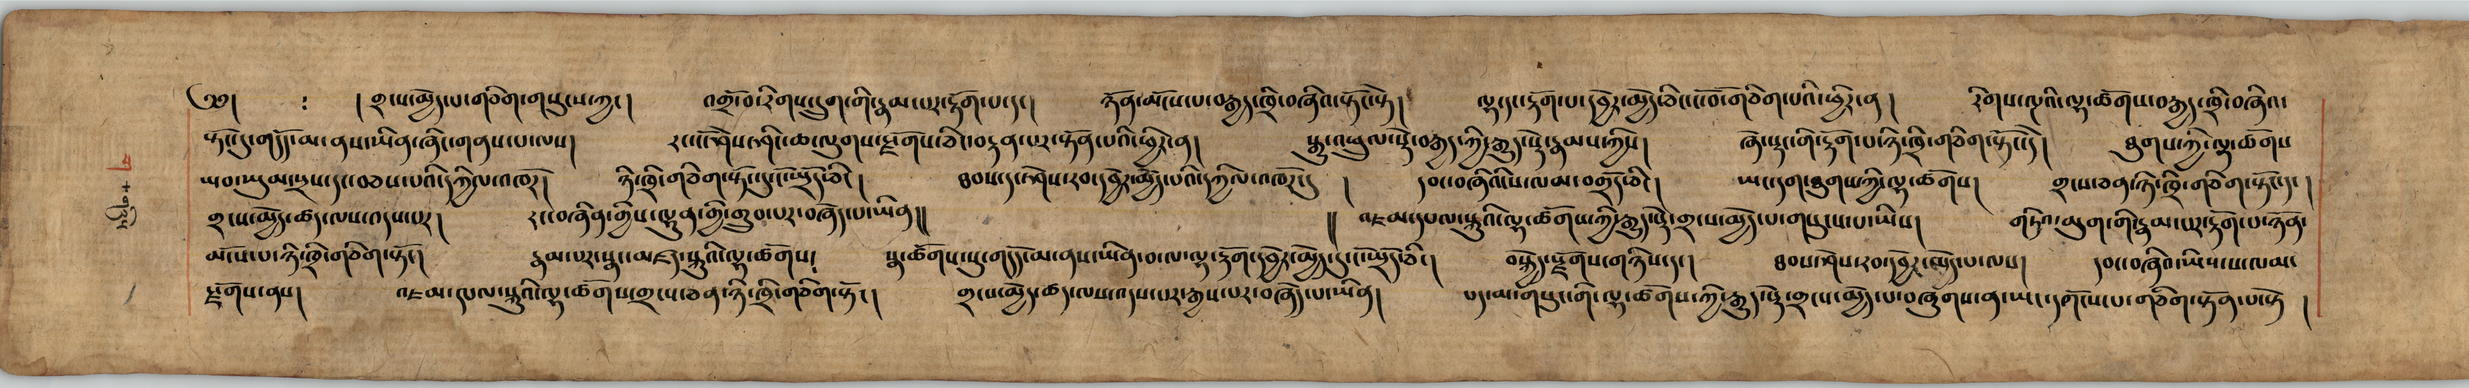༄༅། །གྲངས་མྱེད་པ་གཅིག་གསུངས་ཀྱང། འགྲོ་བ་རིགས་དྲུག་གི་རྣམ་པར་རྟོག་པ་དང། ཉོན་མོངས་པ་བརྒྱད་ཁྲི་བཞིའ་སྟོང་སྟེ། ལྷ་དང་རྟོག་པ་དབྱེར་མྱེད་ཅིང་ངོ་བོ་གཅིག་པའི་ཕྱིར་ན། རིགས་ལྔའི་ལྷ་ཚོགས་བརྒྱད་ཁྲི་བཞིའ་
སྟོང་དུ་གདོད་མ་ནས་ཡིན་ཞིང་གནས་པ་ལས། རང་ངོ་ཤེས་ཤིང་ཆ་ལུགས་སྫོགས་ཅིང་བརྟན་པར་སྟོན་པའི་ཕྱིར་ན། སྒྱུ་འཕྲུལ་སྡེ་བརྒྱད་ཀྱི་རྒྱུད་སྡེ་རྣམས་ཀྱིས། ཞེ་སྡང་གི་རྟོག་པ་ཉི་ཁྲི་གཅིག་སྟོང་དེ། ཐུགས་ཀྱི་ལྷ་ཚོགས
ཡབ་ཡུམ་སྲས་དང་བཅས་པའི་དཀྱིལ་འཁོར། ཉི་ཁྲི་གཅིག་སྟོང་དུ་ངོ་སྤྲོད་ཅིང། ཐབས་དང་ཤཻས་རབ་དབྱེར་མྱེད་པའི་དཀྱིལ་འཁོར་དུ ། དབང་བཞིའི་ས་ལམ་བགྲོད་ཅིང། ཡང་དག་ཐུགས་ཀྱི་ལྷ་ཚོགས། གྲངས་ཅན་ཉི་ཁྲི་གཅིག་སྟོང་དང།
གྲངས་མྱེད་ཚད་ལས་འདས་པར། རང་བཞིན་གྱིས་ལྷུན་གྱི་གྲུབ་པར་བཞེད་པ་ཡིན།། །། འཇམ་དཔལ་སྐུའི་ལྷ་ཚོགས་ཀྱི་རྒྱུད་སྡེ་གྲངས་མྱེད་པ་གསུངས་པ་ཡིས། གཏིའ་མུག་གི་རྣམ་པར་རྟོག་པ་ཉོན་
མོགས་པ་ཉི་ཁྲི་གཅིག་སྟོང། རྣམ་པར་སྣང་མཛད་སྐུའི་ལྷ་ཚོགས། སྣ་ཚོགས་སུ་གདོད་མ་ནས་ཡིན་བ་ལ་ལྷ་རྟོག་དབྱེར་མྱེད་དུ་སྤྲོད་ཅིང། བསྐྱེད་སྫོགས་གཉིས་དང། ཐབས་ཤེས་རབ་དབྱེར་མྱེད་པ་ལས། དབང་བཞིའ་ཡིས་ས་ལམ་
སྫོགས་ནས། འཇམ་དཔལ་སྐུའི་ལྷ་ཚོགས་གྲངས་ཅན་ཉི་ཁྲི་གཅིག་སྟོང། གྲངས་མྱེད་ཚད་ལས་འདས་པར་རྒྱས་པར་བཞེད་པ་ཡིན། པད་མ་གསུང་གི་ལྷ་ཚོགས་ཀྱི་རྒྱུད་སྡེ་གྲངས་མྱེད་པ་བཞུགས་ན་ཡང་དགོངས་པ་གཅིག་སྟོན་པ་སྟེ །